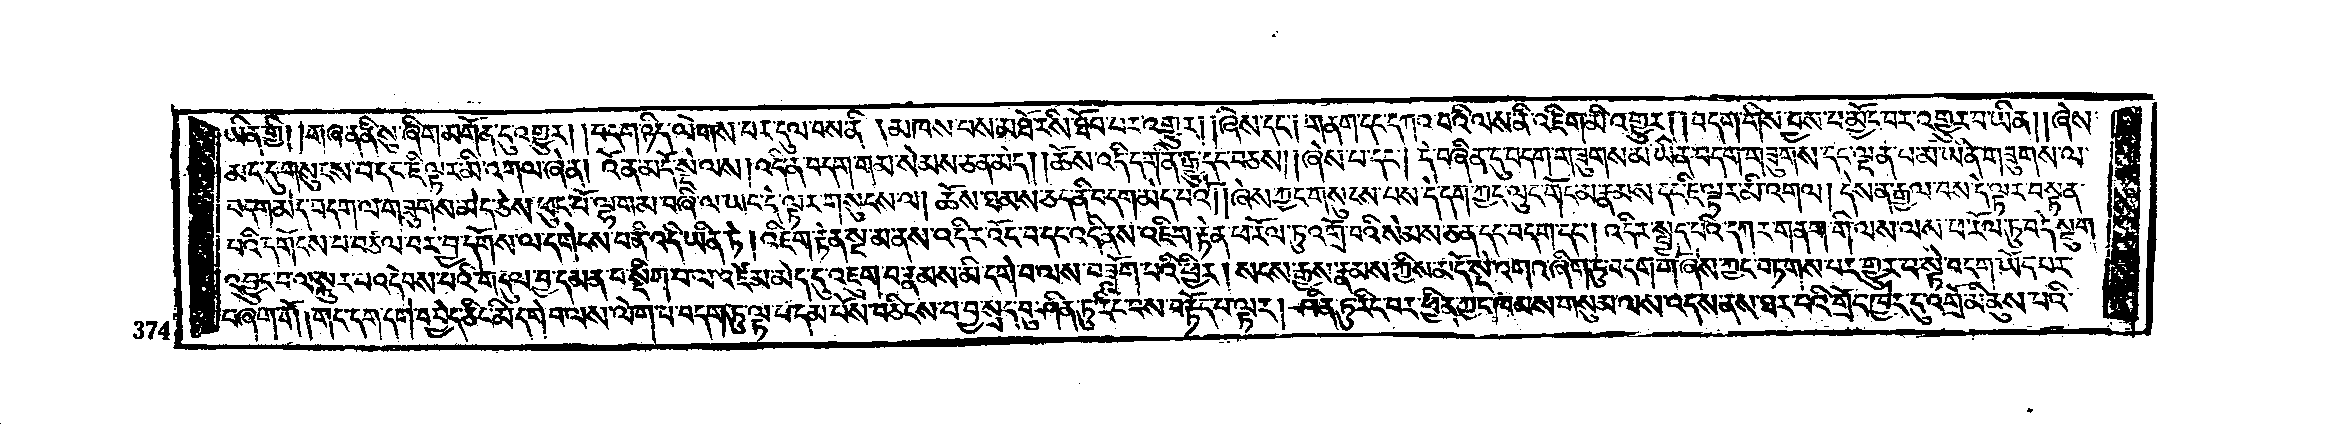ཡིན་གྱི། །གཞན་ནི་སུ་ཞིག་མགོན་དུ་འགྱུར། །བདག་ཉིད་ལེགས་པར་དུལ་བས་ནི། མཁས་པས་མཐོ་རིས་ཐོབ་པར་འགྱུར། །ཞེས་དང་། གནག་དང་དཀའ་བའི་ལས་ནི་འཇིག་མི་འགྱུར། །བདག་གིས་བྱས་པ་མྱོང་བར་འགྱུར་བ་ཡིན། །ཞེས་
མང་དུ་གསུངས་པ་དང་ཇི་ལྟར་མི་འགལ་ཞེ་ན། འོ་ན་མེད་སྡེ་ལས། འདི་ན་བདག་གམ་སེམས་ཅན་མེད། །ཆོས་འདི་དག་ནི་རྒྱུ་དང་བཅས། །ཞེས་པ་དང་། དེ་བཞིན་དུ་བདག་གཟུགས་མ་ཡིན་བདག་གཟུགས་དང་ལྡན་པ་མ་ཡིན་གཟུགས་ལ་
བདག་མེད་བདག་ལ་གཟུགས་མེད་ཅེས་ཕུང་པོ་ལྷག་མ་བཞི་ལ་ཡང་དེ་ལྟར་གསུངས་ལ། ཆོས་ཐམས་ཅད་ནི་བདག་མེད་པའོ། །ཞེས་ཀྱང་གསུངས་པས་དེ་དག་ཀྱང་ལུང་གོང་མ་རྣམས་དང་ཇི་ལྟར་མི་འགལ། དེས་ན་རྒྱལ་བས་དེ་ལྟར་བསྟན་
པའི་དགོངས་པ་བཙལ་བར་བྱ་དགོས་ལ་དགོངས་པ་ནི་འདི་ཡིན་ཏེ། འཇིག་རྟེན་སྔ་མ་ནས་འདིར་འོང་བ་དང་འདི་ནས་འཇིག་རྟེན་ཕ་རོལ་ཏུ་འགྲོ་བའི་སེམས་ཅན་དང་བདག་དང་། འདིར་སྤྱད་པའི་དཀར་གནག་གི་ལས་ལས་ཕ་རོལ་ཏུ་བདེ་སྡུག་
འབྱུང་བ་ལ་སྐུར་བ་འདེབས་པའི་གདུལ་བྱ་དམན་པ་སྡིག་པ་ལ་འཛེམ་མེད་དུ་འཇུག་པ་རྣམས་མི་དགེ་བ་ལས་བཟློག་པའི་ཕྱིར། སངས་རྒྱས་རྣམས་ཀྱིས་མདོ་སྡེ་འགའ་ཞིག་ཏུ་བདག་གོ་ཞེས་ཀྱང་བཏགས་པར་གྱུར་པ་སྟེ་བདག་ཡོད་པར་
བཞག་གོ །གང་དག་དགེ་བ་བྱེད་ཅིང་མི་དགེ་བ་ལས་ལོག་པ་བདག་ཏུ་ལྟ་བ་དམ་པོས་བཅིངས་པ་བྱ་སྲད་བུ་ཤིན་ཏུ་རིང་བས་བརྟོད་པ་ལྟར། ཤིན་ཏུ་རིང་བར་ཕྱིན་ཀྱང་ཁམས་གསུམ་ལས་འདས་ནས་ཐར་བའི་གྲོང་ཁྱེར་དུ་འགྲོ་མི་ནུས་པའི་